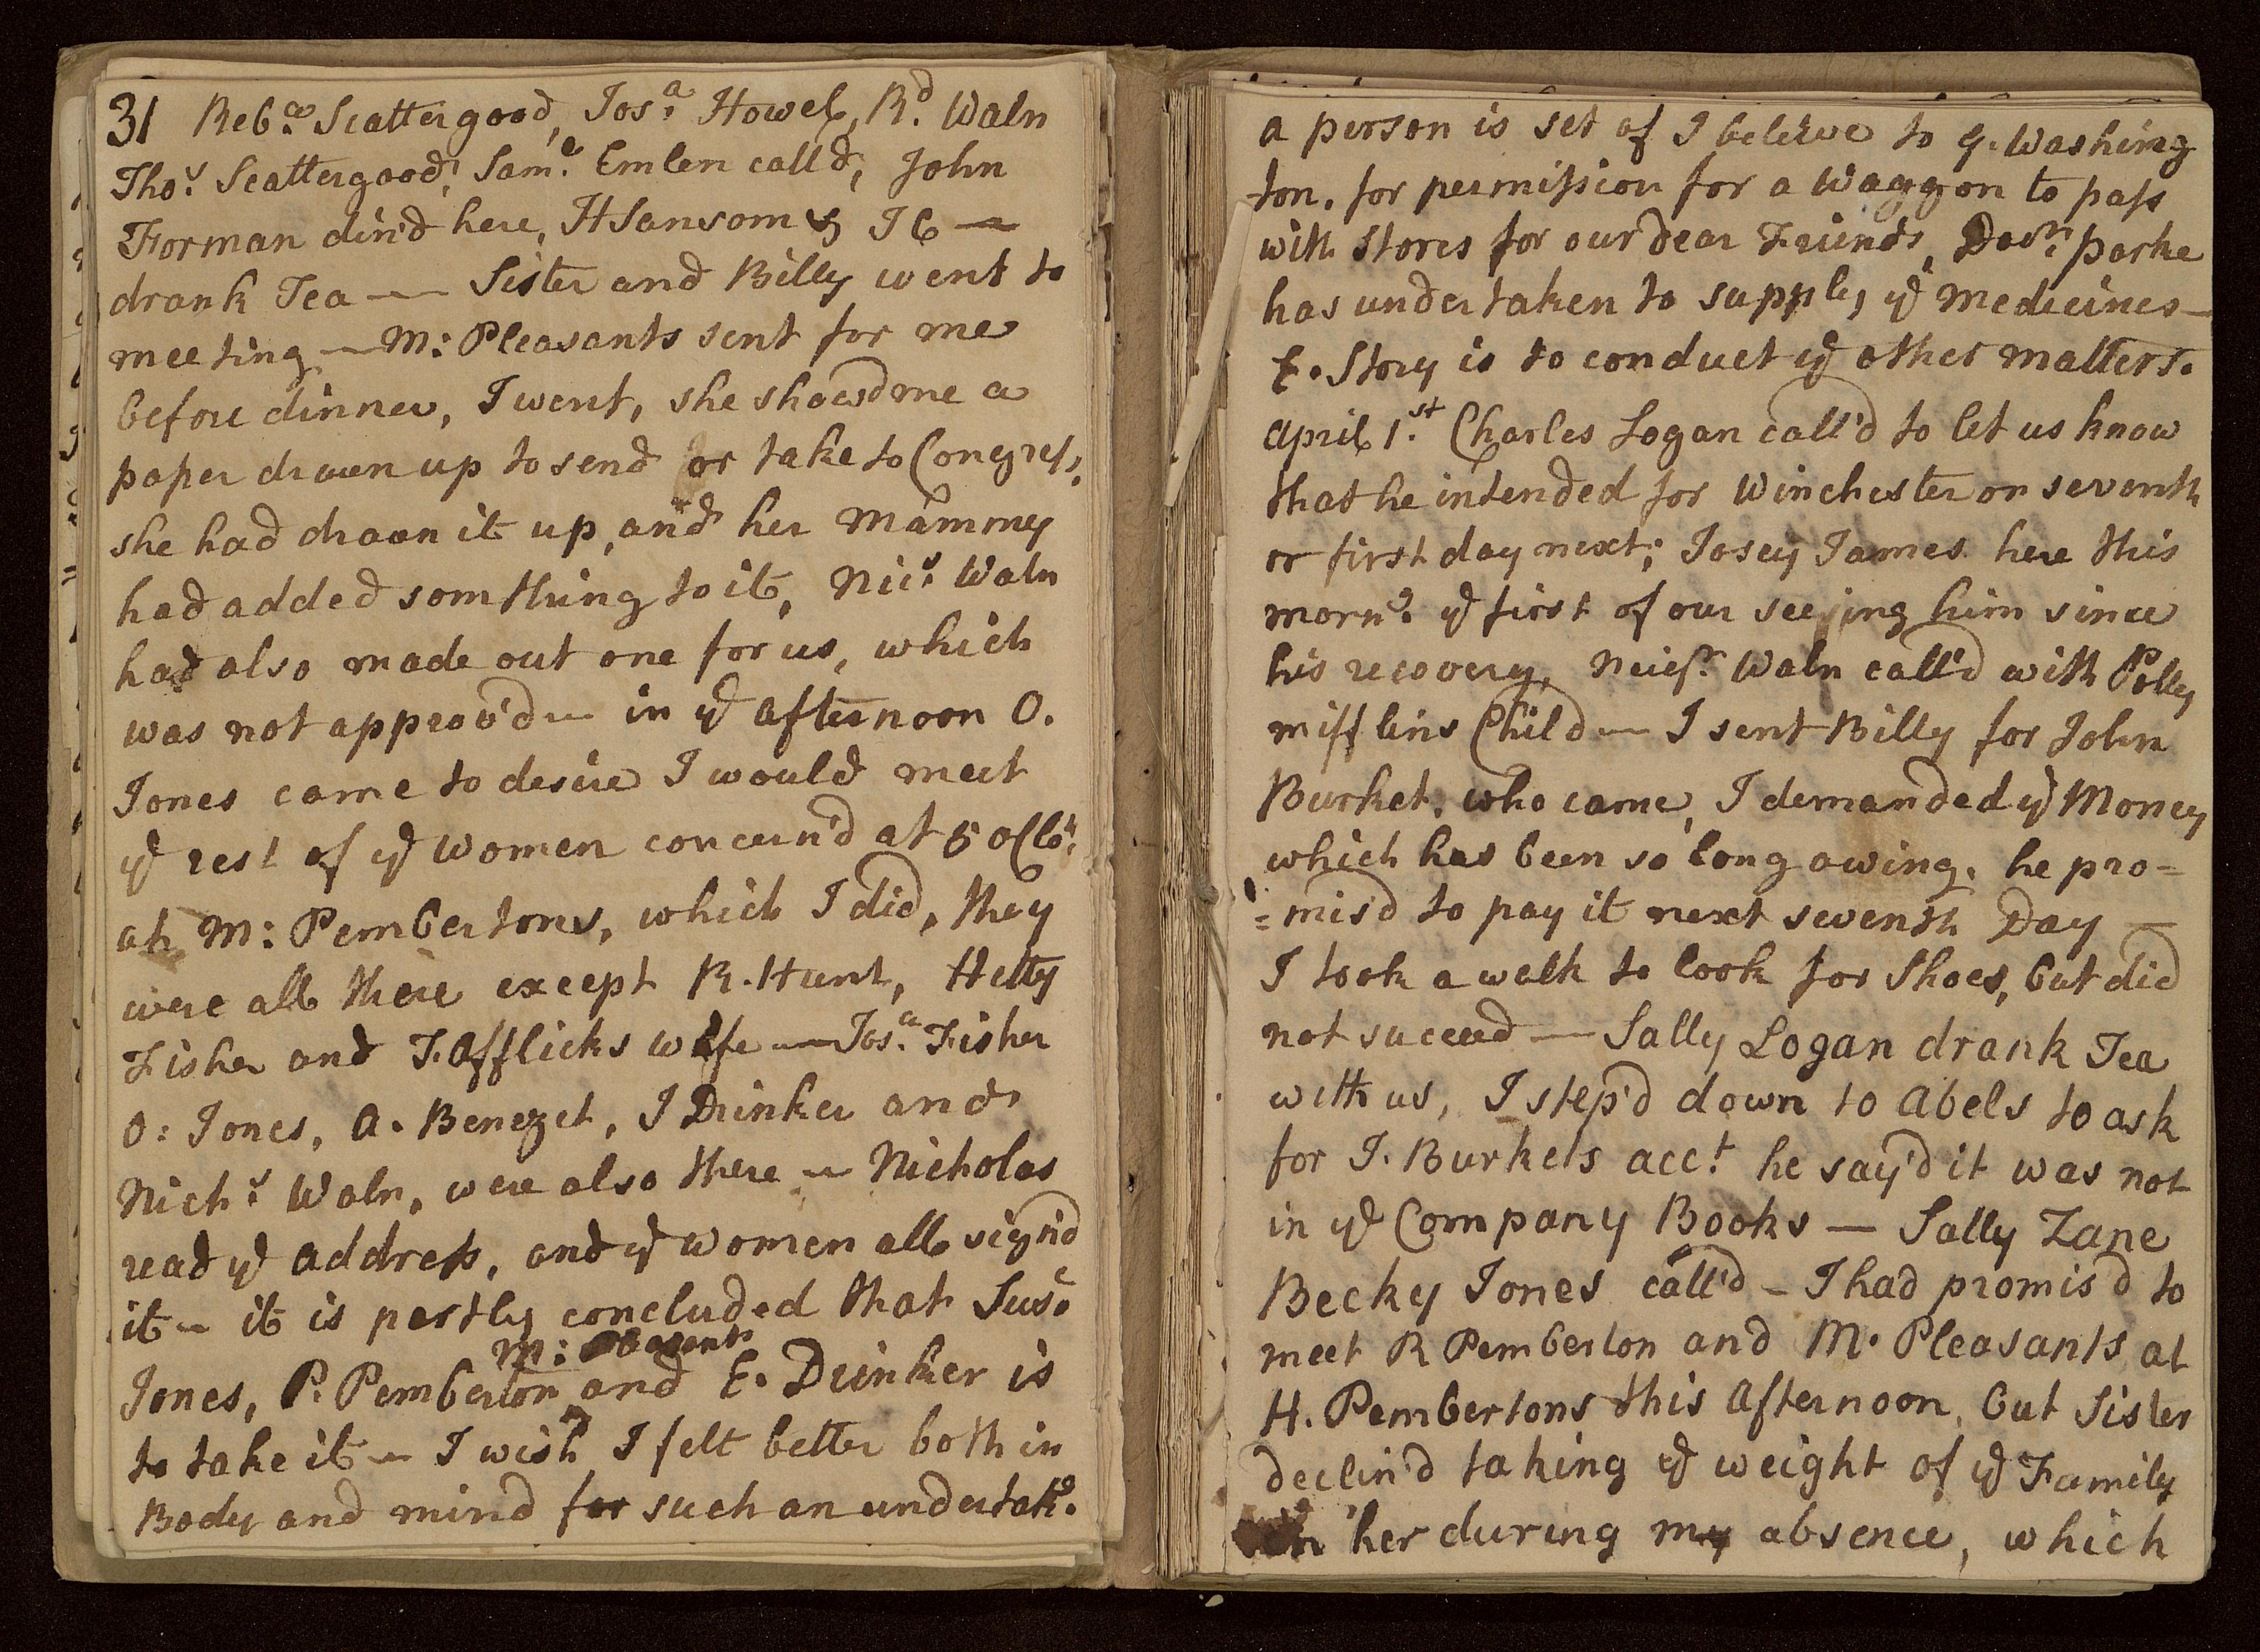31 Reb^a. Scattergood, Jos^a. Howel, R^d. Waln
Tho^s. Scattergood, Sam^l. Emlen call'd, John
Forman din'd here, H Sansom & JC-
drank Tea- Sister and Billy went to
meeting- M: Pleasants sent for me
before dinner, I went, she showd me a
paper drawn up to send or take to Congress,
she had draun up, and her mammy
had added somthing to it, Nic^s. Waln
had also made out one for us, which
was not approv'd- in y^e afternoon O.
Jones came to desire I would meet
y^e rest of y^e women concern'd at 5 ^o Clo^k
at M: Pembertons, which I did, they
were all there except R. Hunt, Hetty
Fisher and T. Afflicks wife- Jos^a. Fisher
O: Jones, A. Benezet, J Drinker and
Nich^s. Waln, were also there- Nicholas
read y^e address, and y^e women all sign'd
it- it is partly concluded that Sus^e.
M: Plasants
Jones, P. Pemberton ^ and E. Drinker is
to take it- I wish I felt better both in
Body and mind for such an undertak^g.
a person is set of I believe to G. Washing
-ton, for permission for a Waggon to pass
with stores for our dear Friends, Doc^r. Parke
has under taken to supply y^e medicines-
E. Story is to conduct y^e other matters.
April 1^st. Charles Logan call'd to let us know
that he intended for Winchester on seventh
or first day next; Josey James here this
morn^g. y^e first of our seeing him since
his recovery, Neig^r. Waln call'd with Polly
mifflins Child- I sent Billy for John
Burket, who came, I demanded y^e Money
which has been so long owing. he pro-
-mis'd to pay it next seventh Day-
I took a walk to look for Shoes, but did
not succeed- Sally Logan drank Tea
with us, I step'd down to Abels to ask
for J. Burkets acc^t. he say'd it was not
in y^e Company Books- Sally Zane
Becky Jones call'd- I had promisd to
meet R Pemberton and M. Pleasants at
H. Pembertons This afternoon, but Sister
declin'd taking y^e weight of y^e Family
[___] her during my absence, which